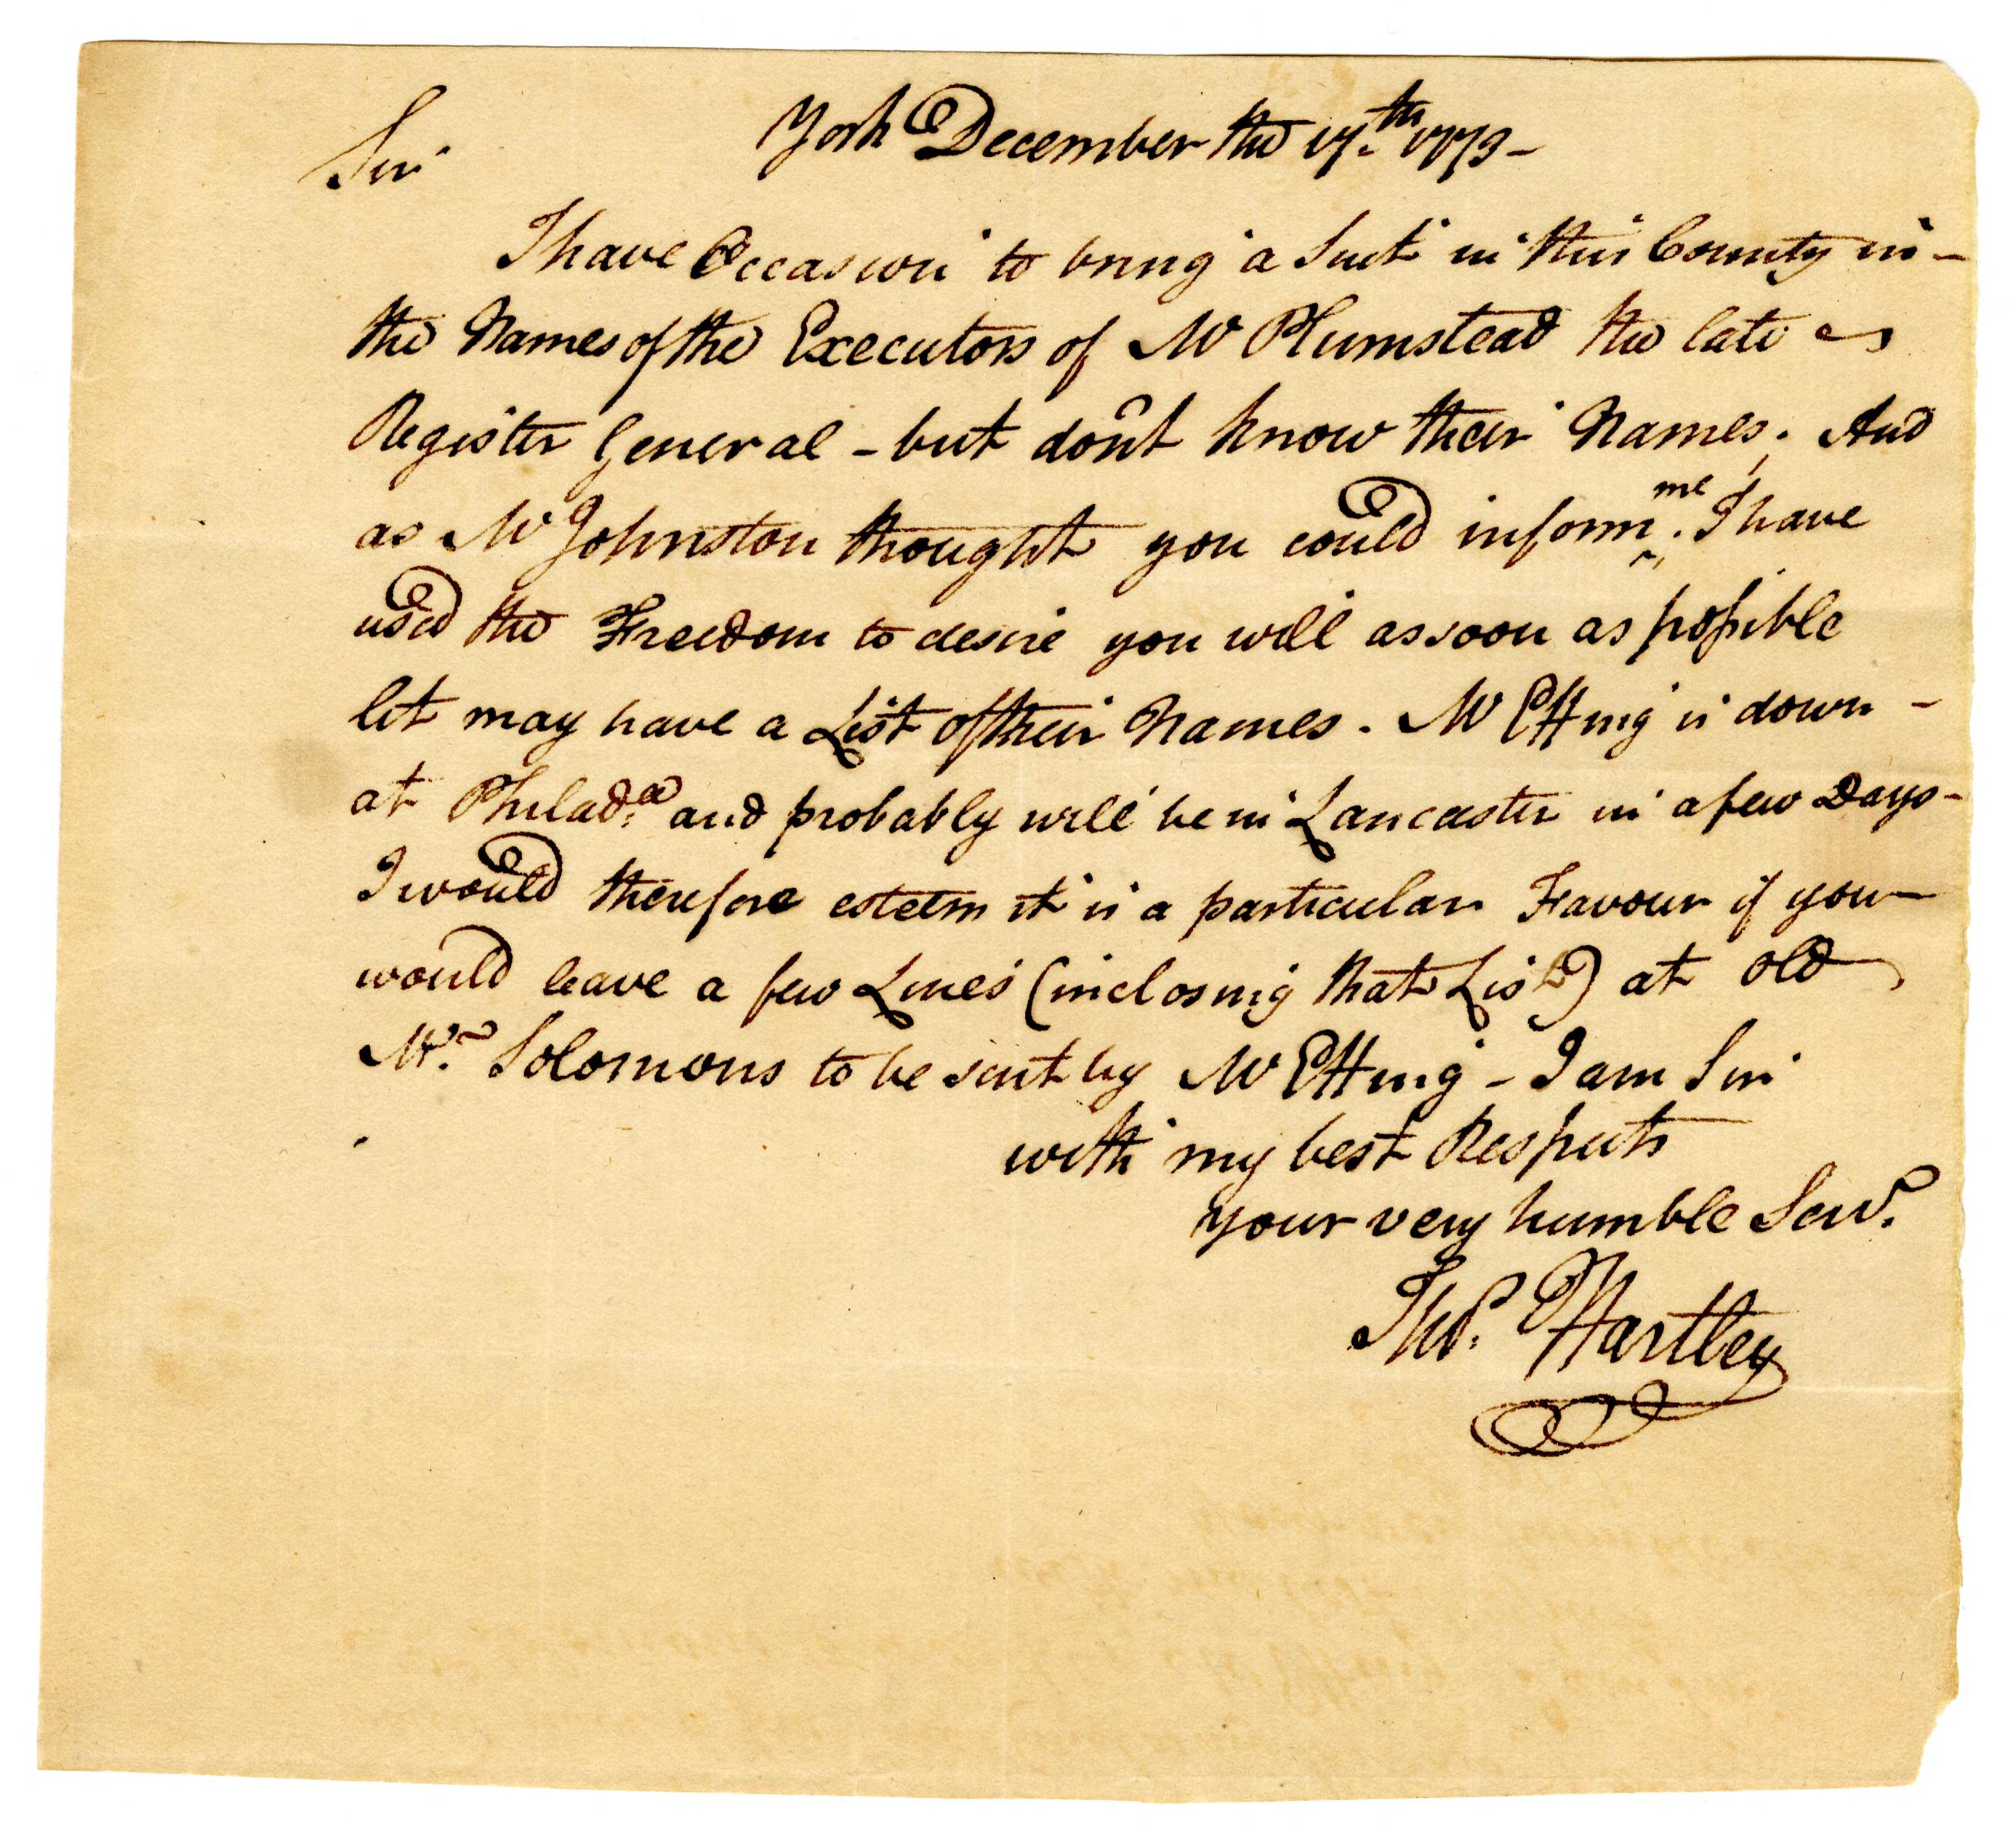York December the 17^th 1773
Sir
I have Occasion to bring a Suit in this Country in-
the Names of the Executors of M^r Plumstead the late
Register General- but don't know their Names. And
me
as M^r Johnston thought you could inform ^ . I have
used the Freedoms to desire you will as soon as possible
lot may have a List of their Names. M^r Effing in down
at Philad^a. and probably will be in Lancaster in a few Days-
I would therefore esteem it is a particular Favour if you
would leave a few Lines (inclosing that List) at old
M^r. Solomons to be sent by M^r Etting. I am Sir
with my best Respects
Your very humble Serv^t.
Tho^s. Hartley